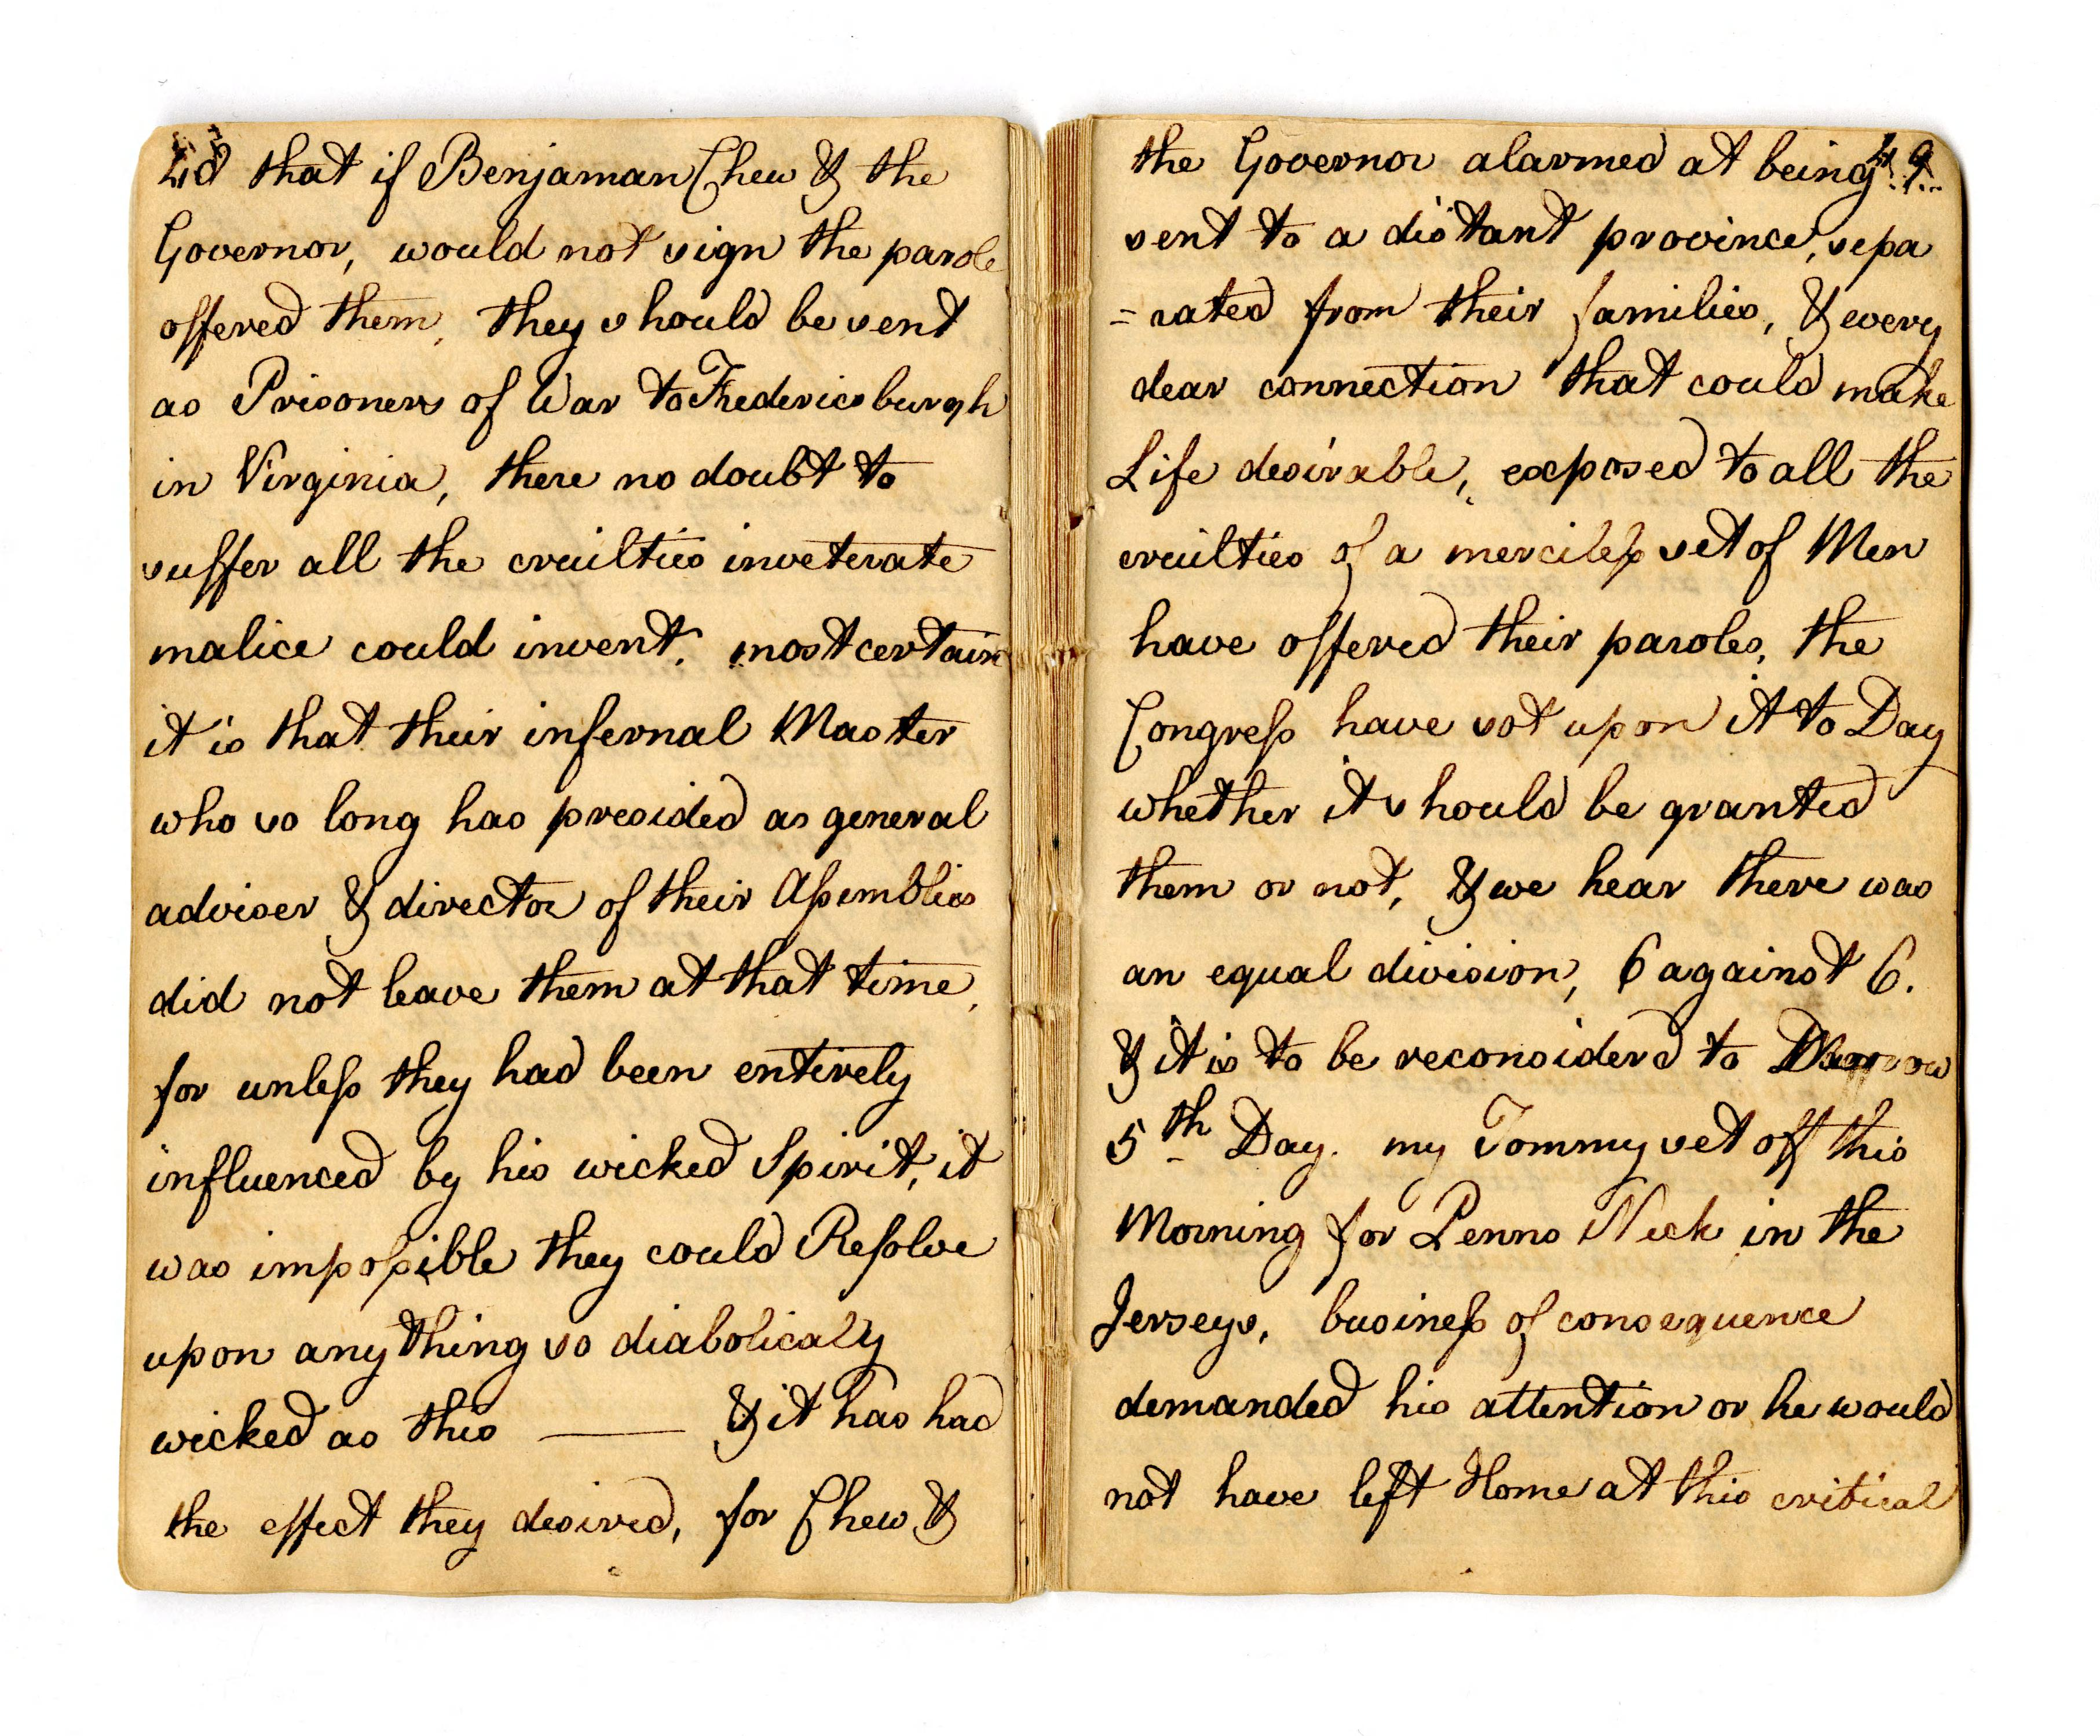that if Benjamin Chew & the
Governor, would not sign the parole
offered them, they should be sent
as Prisoners of War to Fredericsburgh
in Virginia, there no doubt to
suffer all the cruilties inveterate
malice could invent. most certain
it is that their infernal Master
who so long has presided as general
adviser & director of their Assemblies
did not have them at that time,
for unless they had been entirely
influenced by his wicked Spirit, it
was impossible they could Resolve
upon anything so diabolically
wicked as this- & it has had
the effect they desired, for Chew &
the Governor alarmed at being
sent to a distant province, sepa
-rated from their families, & every
dear connection that could make
Life desirable, exposed to all the
cruilties of a merciless set of Men
have offered their paroles, the
Congress have sot upon it to Day
whether it should be granted
them or not, & we hear there was
an equal division, 6 against 6.
& it is to be reconsidered to Morrow
5^th Day. my Tommy set off this
Morning for Penns Neck in the
Jerseys, business of consequence
demanded his attention or he would
not have left Home at this critical